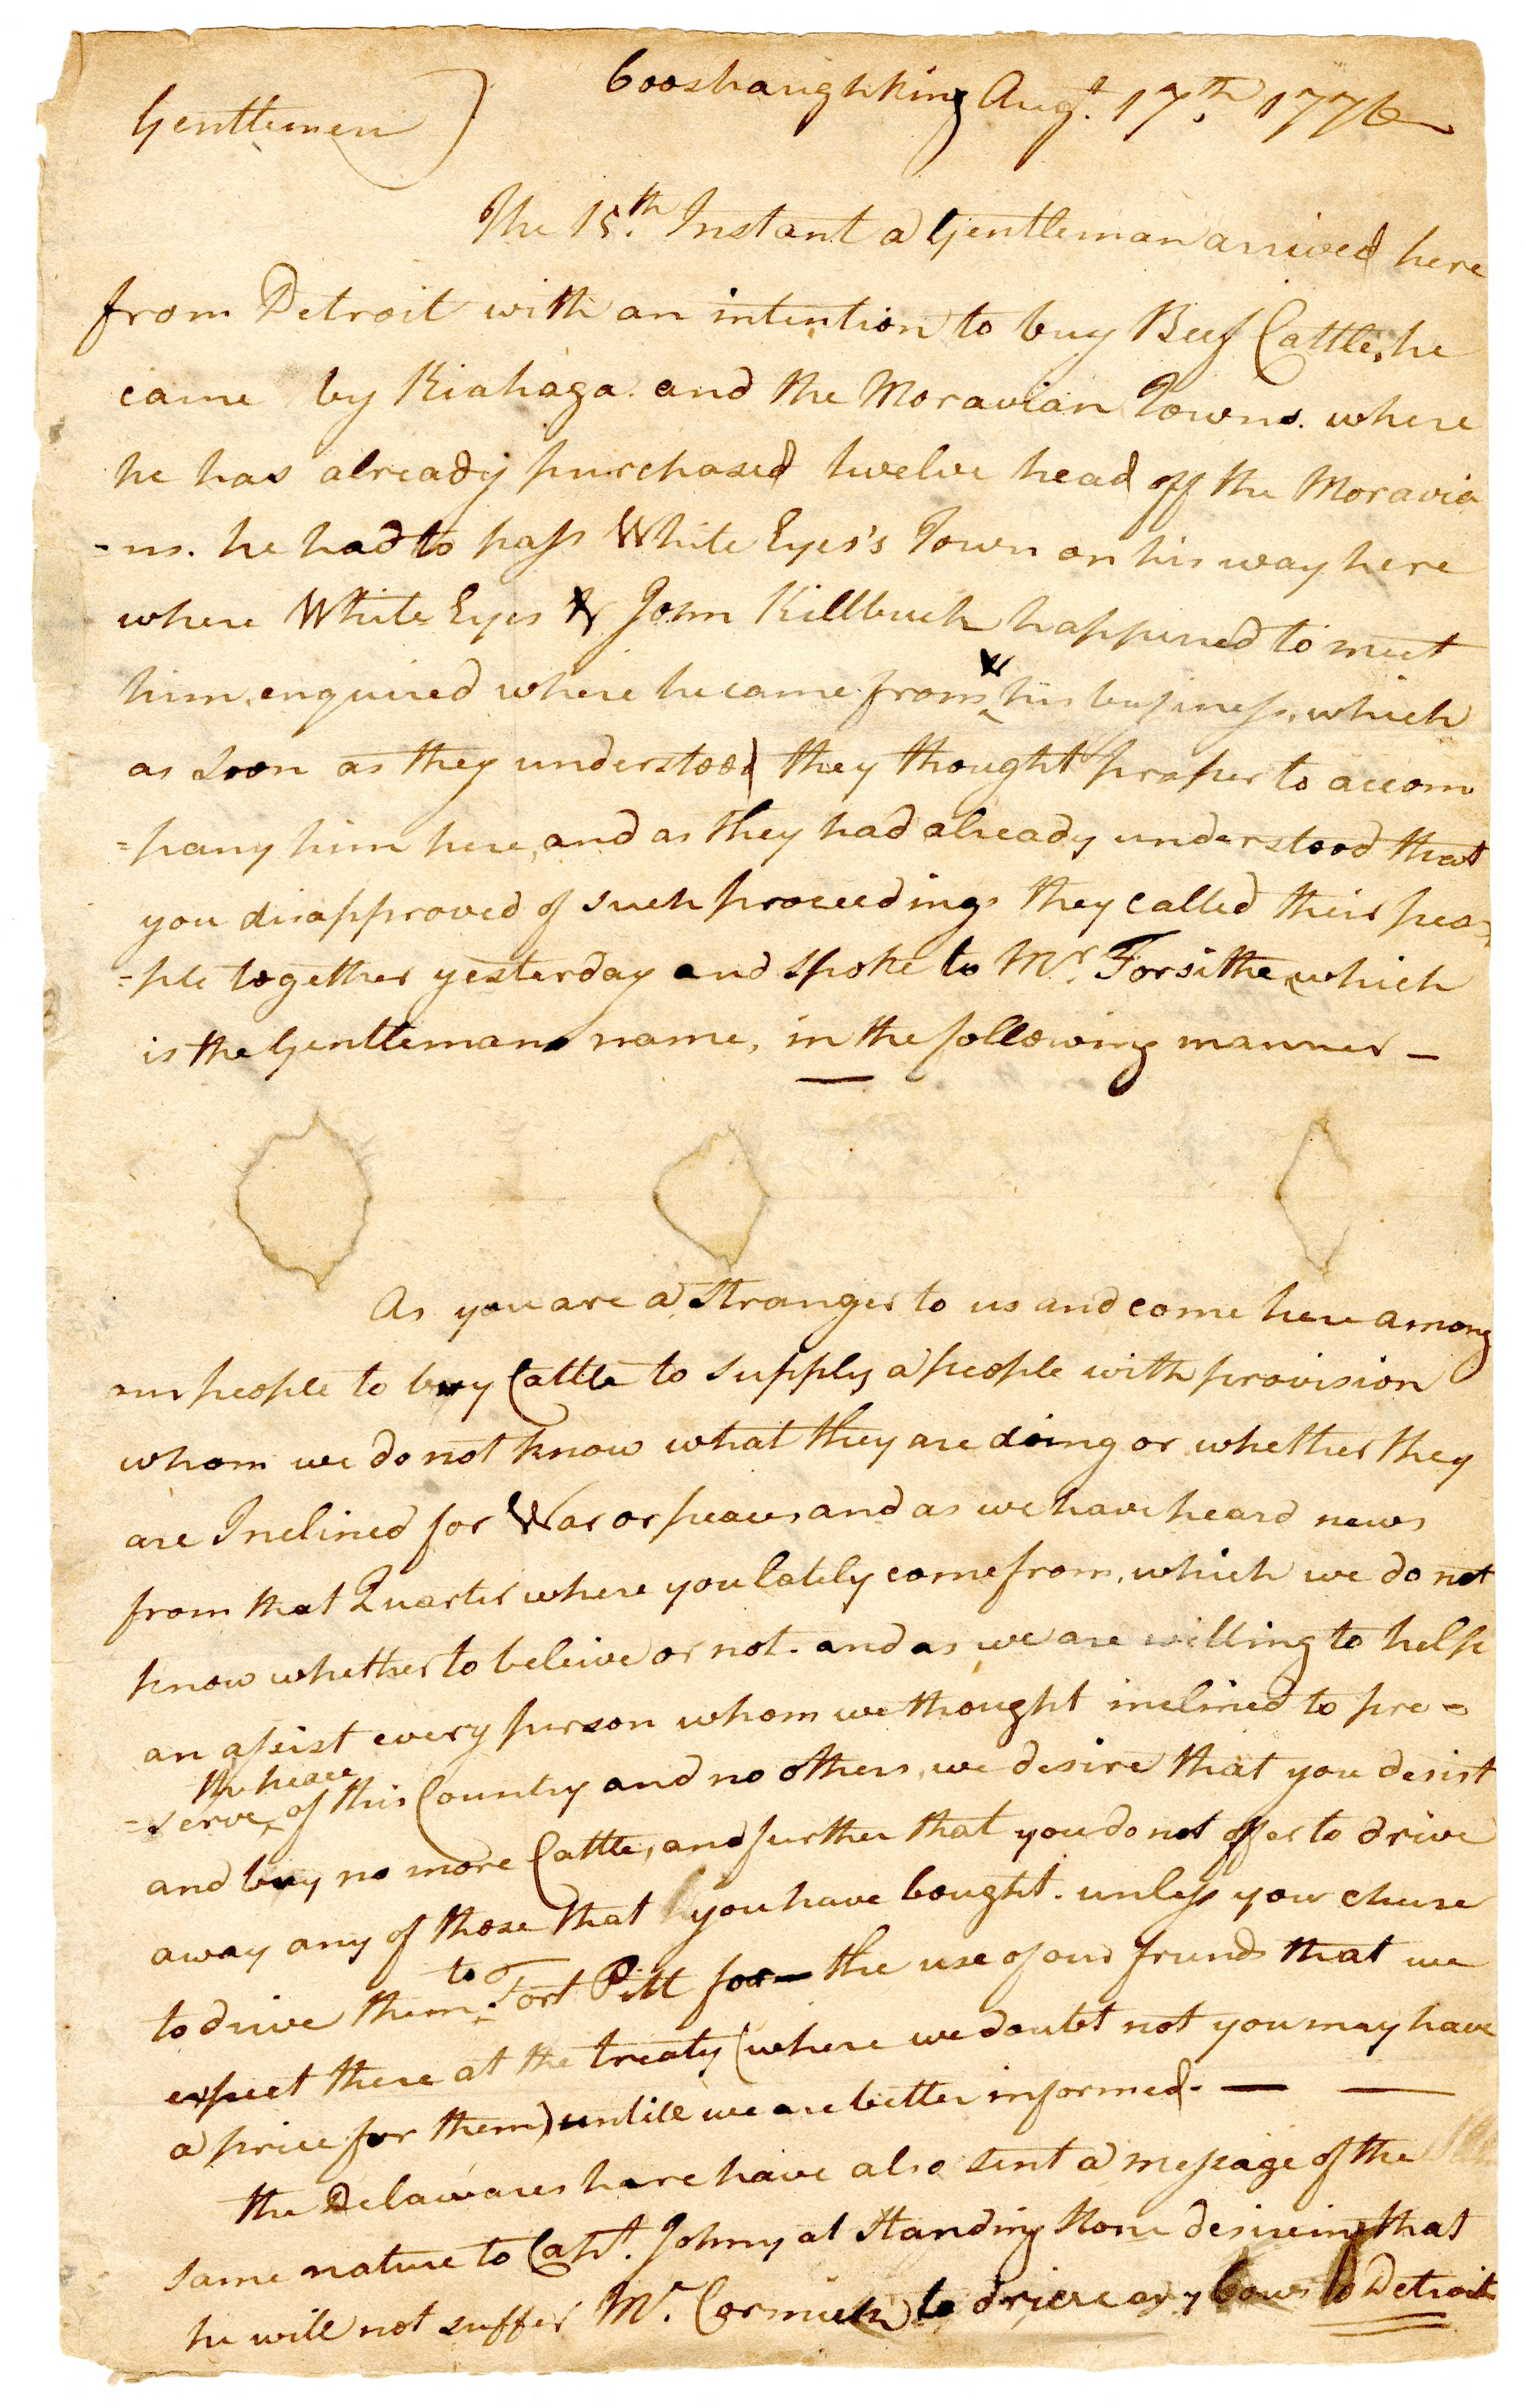Cooshaughking Aug^t. 17^th, 1776
Gentlemen
The 15^th. Instant a Gentleman arrived here
from Detroit with an intention to buy Beef Cattle, he
came by Kiahaga and the Moravian Towns where
he has already purchased twelve head off the Moravia
-ns. he had to pass White Eyes's Town on his way here
where White Eyes & John Killbuck happened to meet
him, enquired where he came from ^& his business, which
as soon as they understood they thought proper to accom
-pany him here, and as they had already understood that
you disapproved of such proceedings they called their peo
-ple together yesterday and spoke to M^r. Forsithe, which
is the Gentlemans name, in the following manner-
As you are a stranger to us and come here among
our people to buy Cattle to supply a people with provision
whom we do not know what they are doing or whether they
are Indians for War or peace, and as we have heard news
from that Quarter where you lately come from, which we do not
know whether to believe or not. and as we are willing to help
an assist every person whom we thought inclined to pre-
the peace
-serve ^ of this Country and no others, we desire that you desist
and buy no more Catlle, and further that you do not offer to drive
away any of those that you have bought unless you chuse
to
to drive them ^ Fort Pitt for the use of our friends that we
expect there at the treaty (where we doubt not you may have
a price for them) untill we are better informed-
The Delawares here have also sent a message of the
same nature to Cap^t. Johny at Standing Rone desireing that
he will not suffer M^cCormick to drive any Cows to Detroit